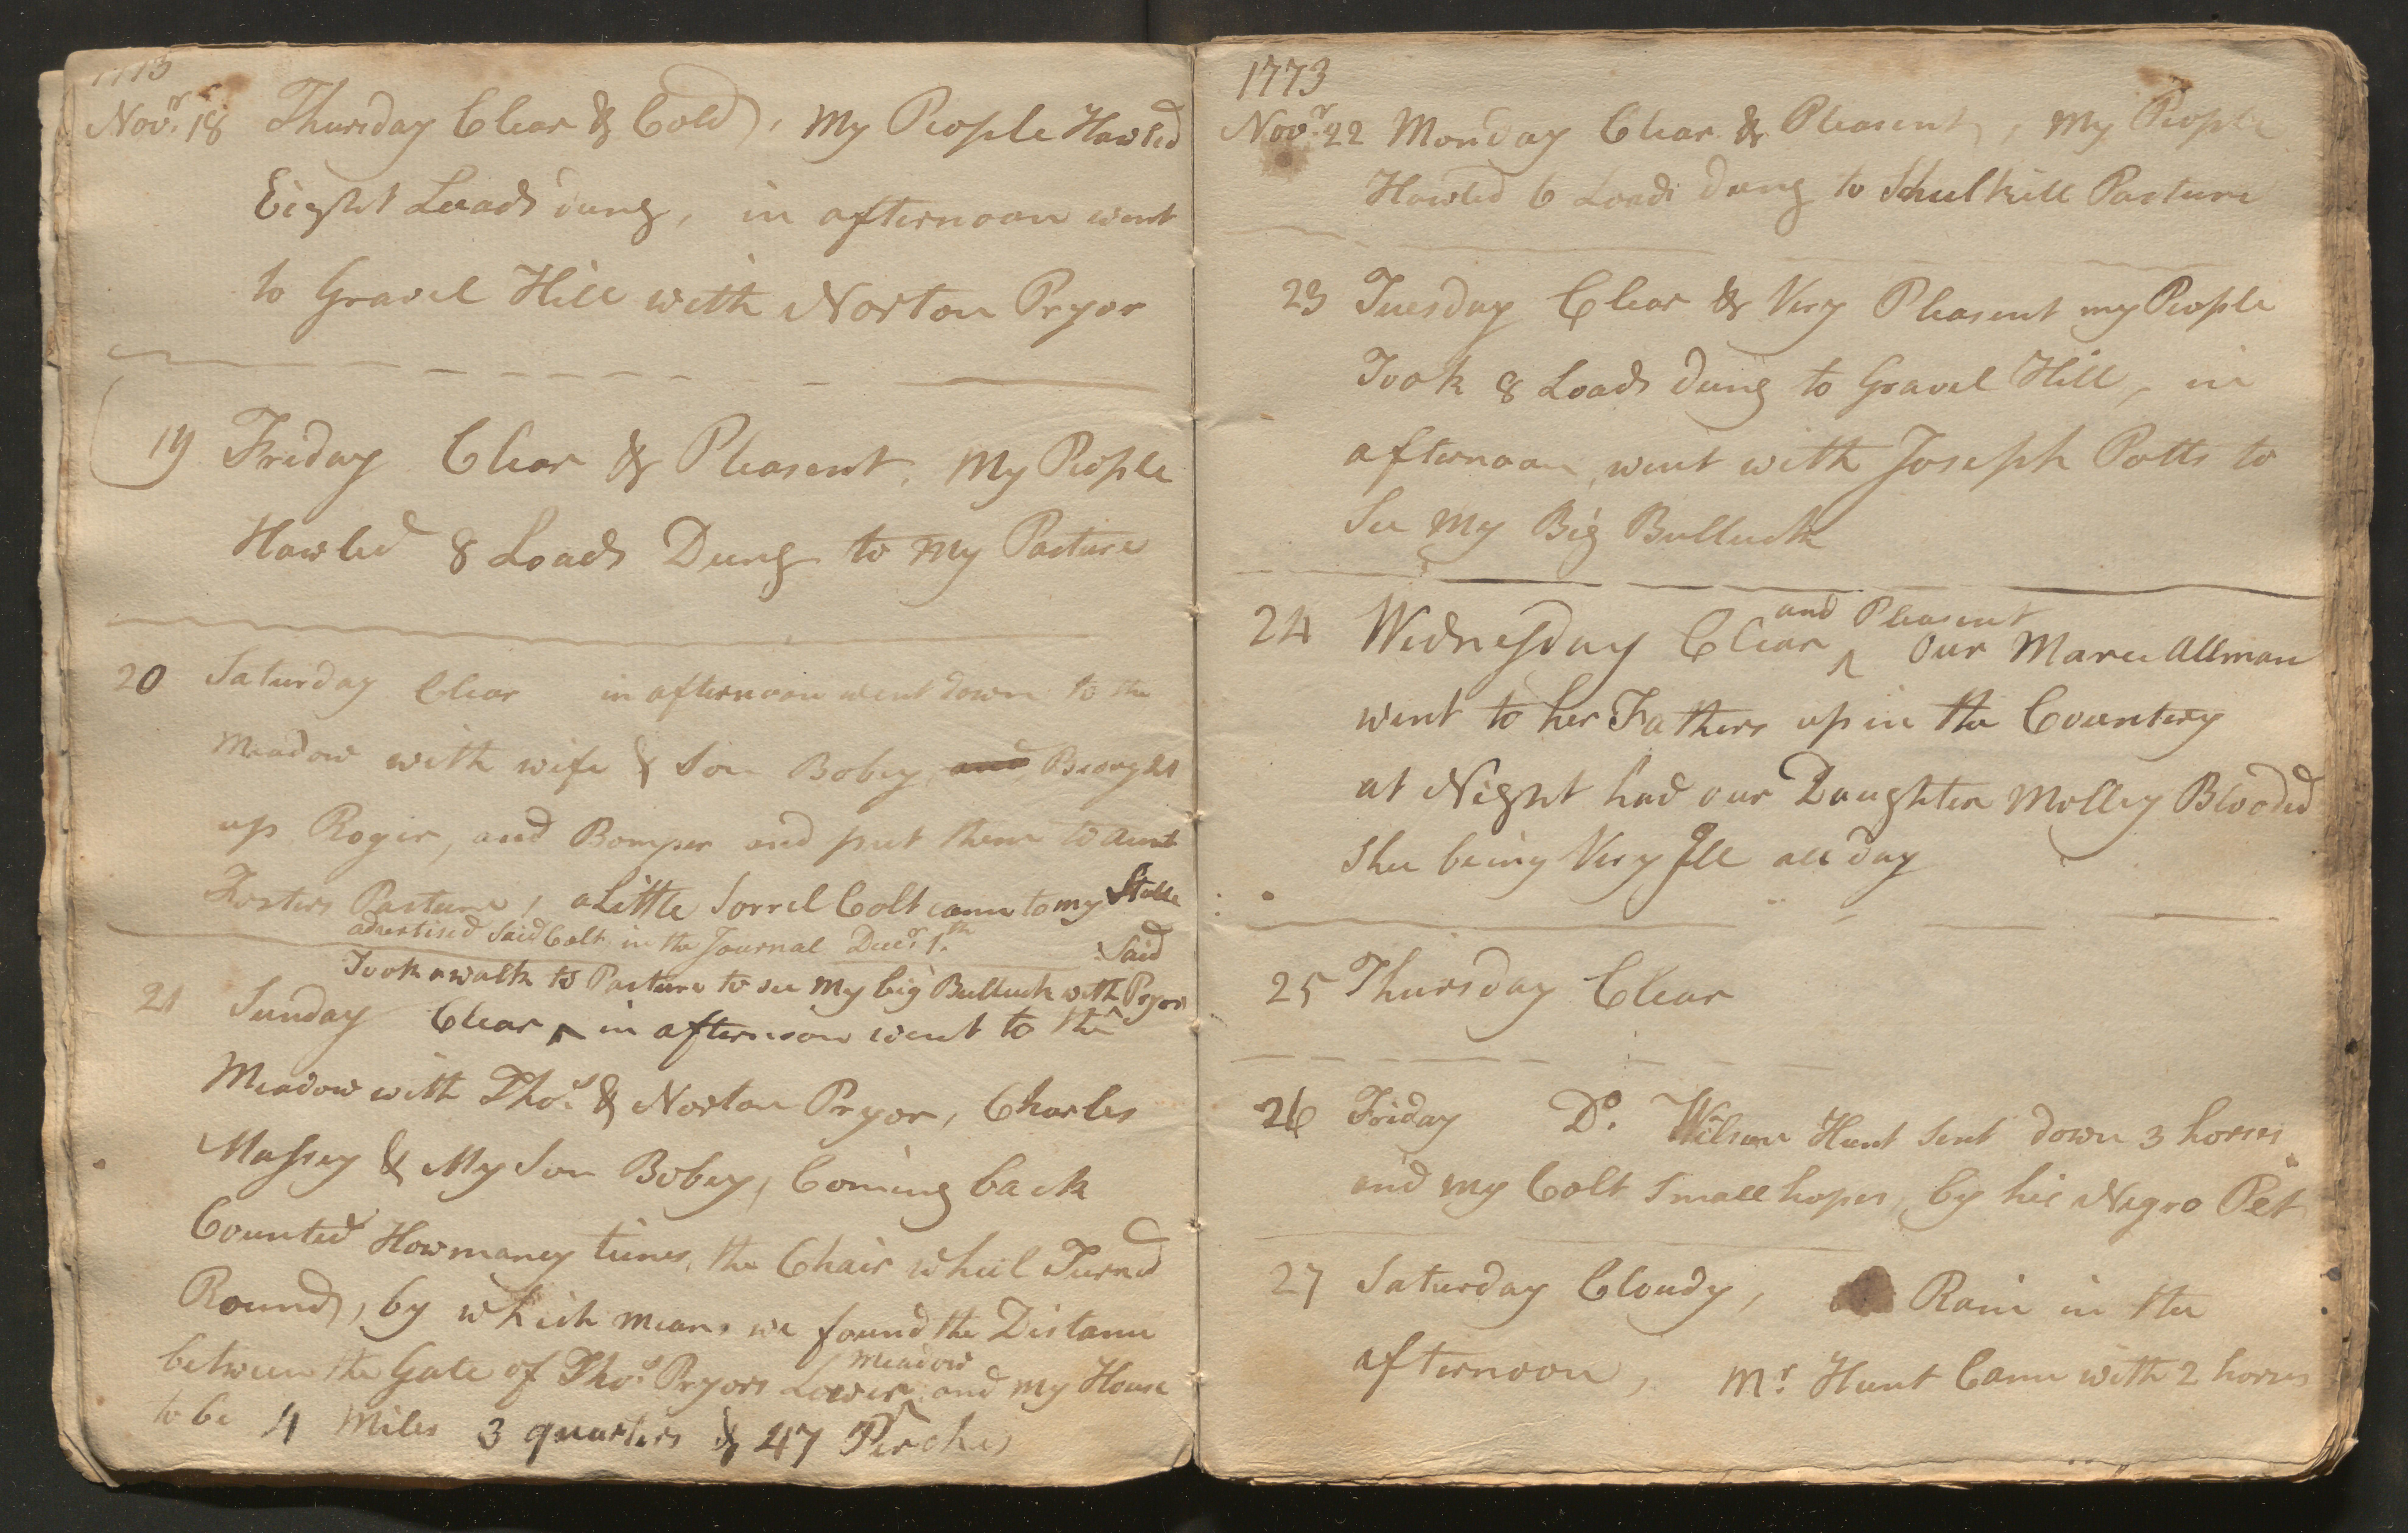1773
Nov^r. 18 Thursday Clear & Cold, My People Hawled
Eight Loads dung, in afternoon went
to Gravel Hill with Norton Pryor
19 Friday Clear & Pleasent. My People
Hawled 8 Loads Dung to My Pasture
20 Saturday Clear in afternoon went down to he
Meadow with wife & Son Bobey, [and] Brought
up Roger, and Bomper and put them to aunt
Fosters Pasture, a Little Sorrel Colt cam to my Stable
advertised Said Colt in the Journal Dece^r. 1^th.
Took a walk to Pasture to see My big Bulluck with ^ Pryor
Said
21
Sunday Clear- in afternoon went to the
Meadow with Tho^s. & Norton Pryor, Charles
Massey & My Son Bobey, Coming back
Counted How many times, the Chair wheel Turnd
Round, by which means we found the Distance
between the Gate of Tho^s. Pryors Lower ^ and my House
meadow
to be 4 Miles 3 quarters & 47 Perches
1773
Nov^r. 22 Monday Clear & Pleasent, My People
Hawled 6 Loads dung to Schulkill Pasture
23 Tuesday Clear & Very Pleasent my People
Took 8 Loads dung to Gravel Hill, in
afternoon, went with Joseph Potts to
see My Big Bulluck
and Pleasent
24 Wednesday Clear ^ our Maree Allman
went to her Fathers up in the Country
at Night had our Daughter Molley Blooded
She being Very Ill all day
25 Thursday Clear
26 Friday D^o. Wilson Hunt sent down 3 horses
and my Colt small hopes, by his Negro Pet
27 Saturday Cloudy, [__] Rain in thee
afternoon, M^r. Hunt Came with 2 horses